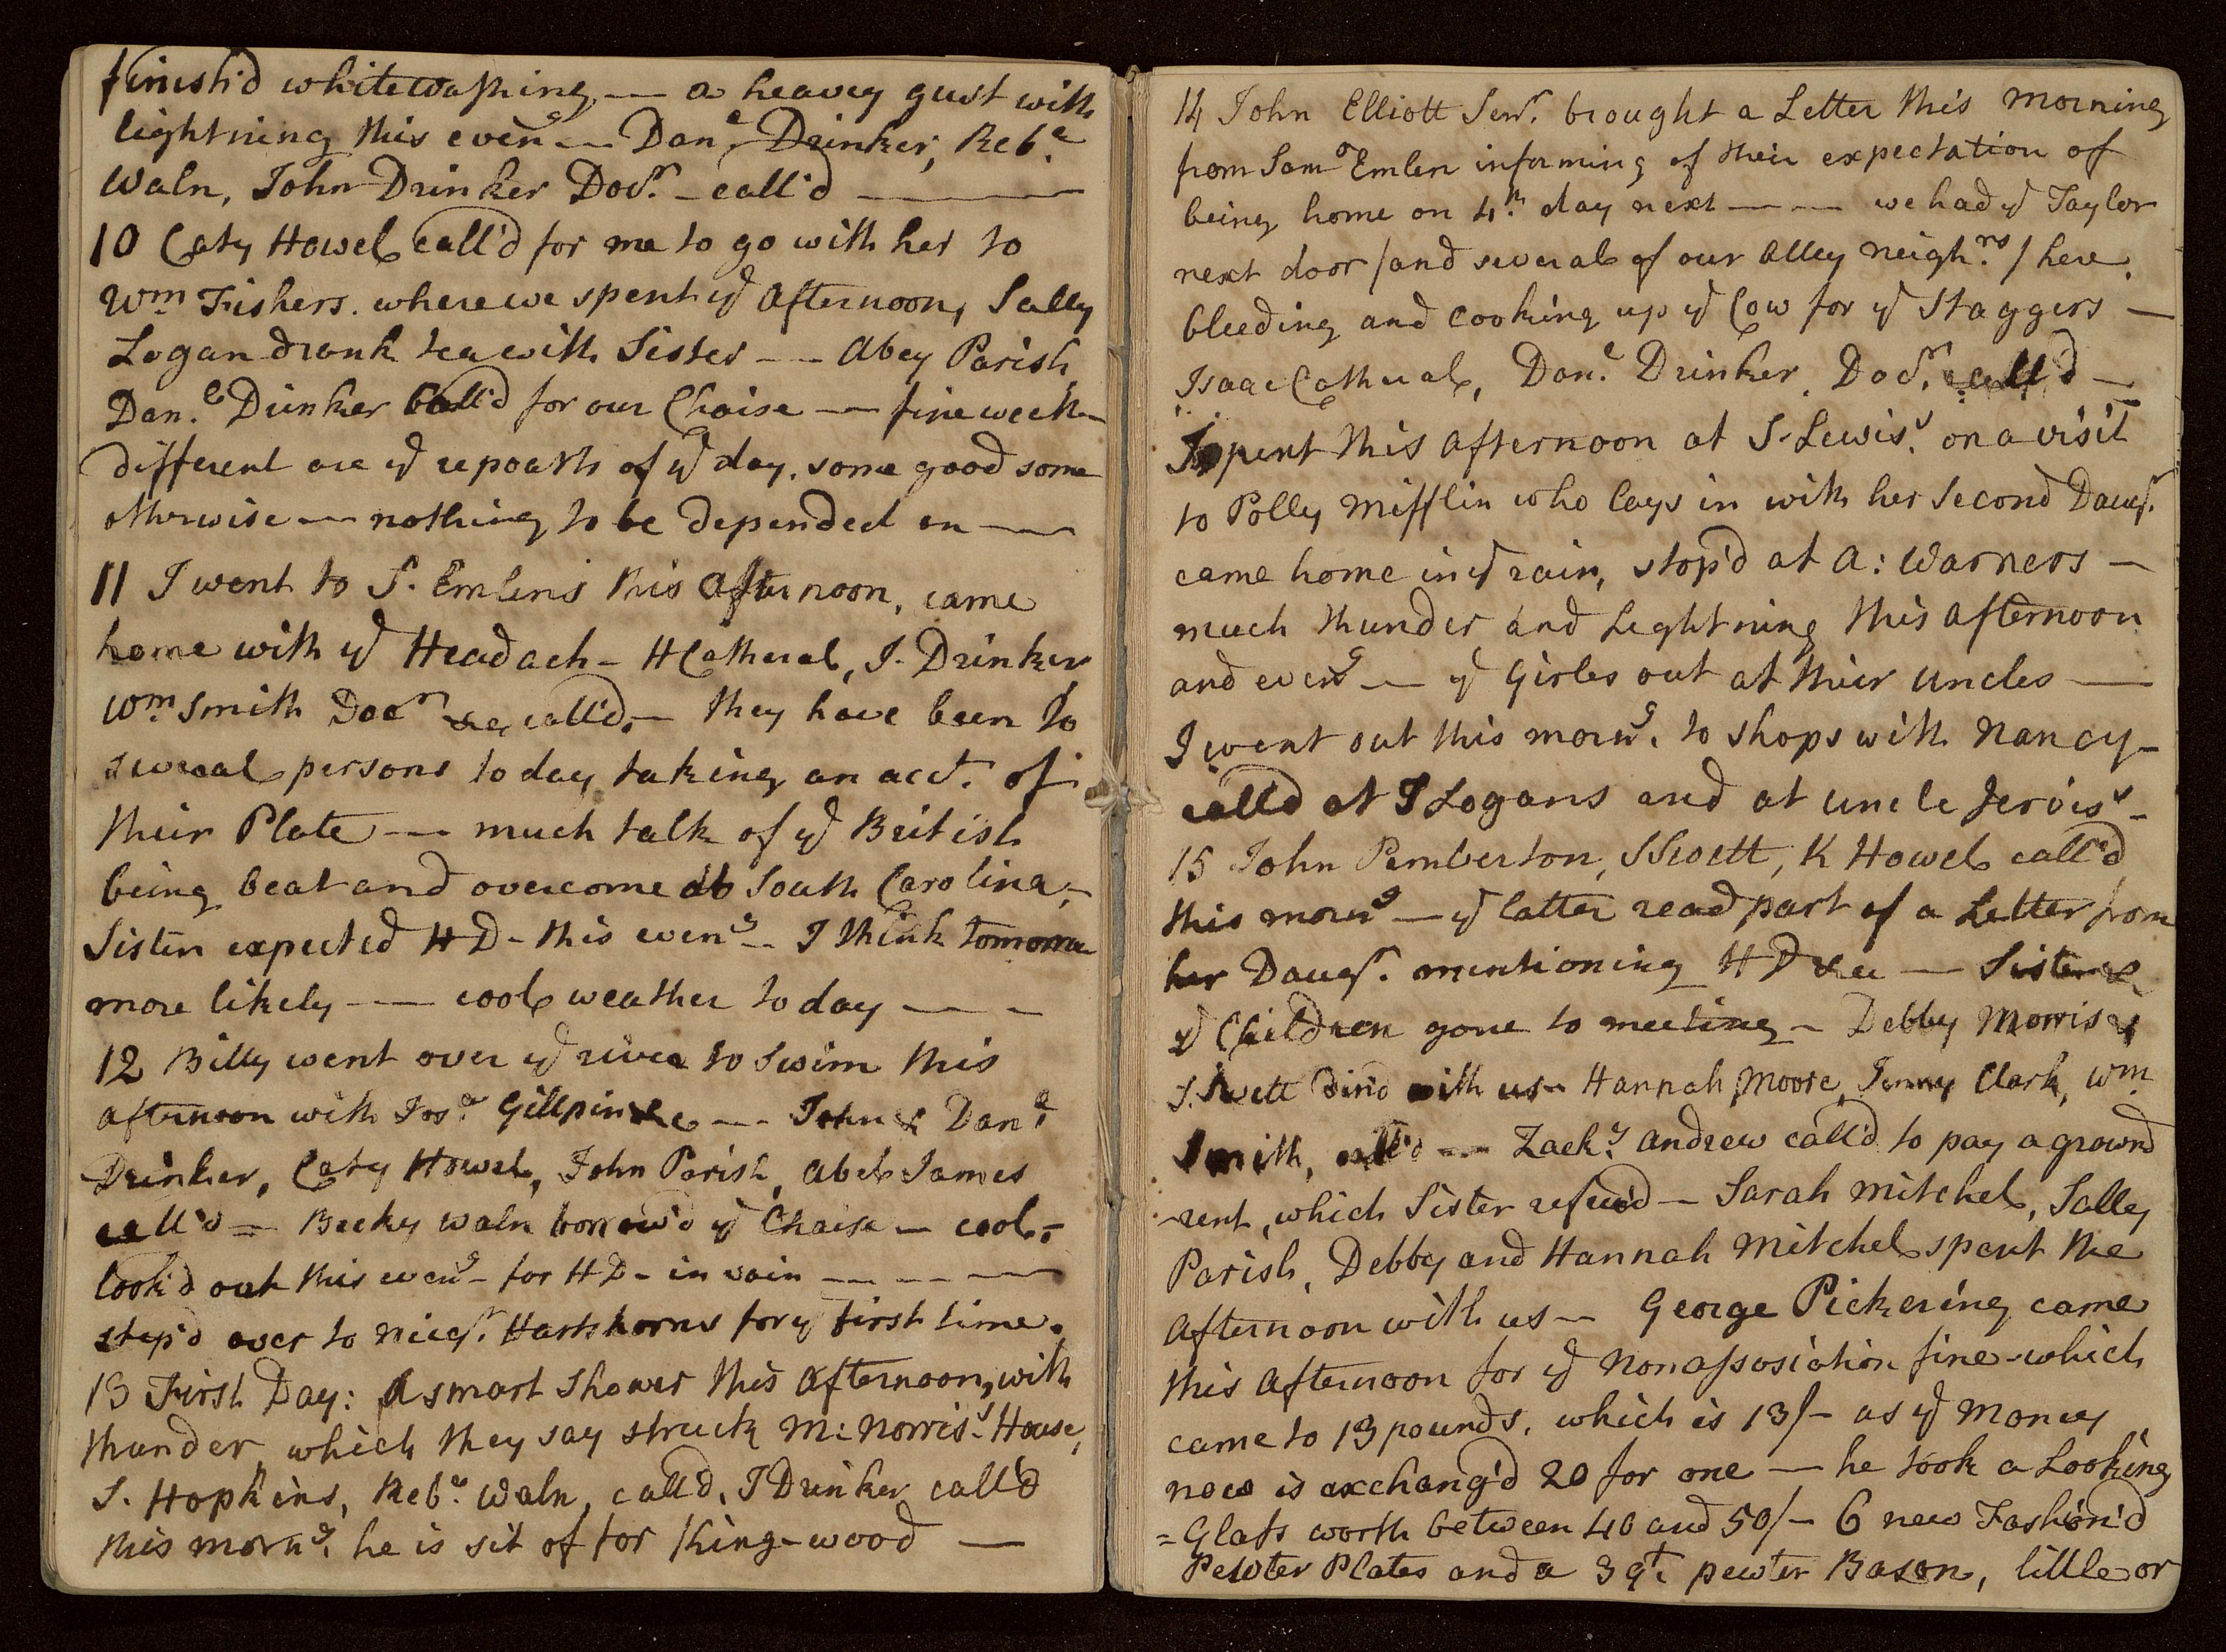finish'd whitewasing,- a heavy gust with
lightning this even^g- Dan^l. Drinker; Reb^a.
Waln, John Drinker Doc^r.- call'd-
10 Caty Howel call'd for me to go with her to
W^m. Fishers. where we spent y^e Afternoon, Sally
Logan drank tea with Sister-- Abey Parish,
Dan^l. Drinker call'd for our Chaise- fine week-
different are y^e repoarts of y^e day, some good some
otherwise- nothing to be dependet on-
11 I went to S. Emlens this afternoon, came
home with y^e Head ach- H Catheral, I. Drinker
W^m. Smith Doc^r &c call'd- they have been to
several persons to day taking an acc^t. of
theer Plate- much talk of y^e British
being beat and overcome at South Carolina,-
Sister expected HD-this even^g- I think tomorrow
more likely-- cool weather to day--
12 Billy went over y^e river to swim this
afternoon with Jos^a. Gillpin &c- John & Dan^l.
Drinker, Cary Howel, John Parish, Abel James
call'd- Becky Waln borrow'd y^e Chaise- cool.-
look'd out this even^g.- for HD- in vain----
stop'd over to Neig^r. Hartshorn for y^e first time.
13 First Day: a smart shower this Afternoon, with
thunder which they say struck M: Norris^s. House,
S. Hopkins, Reb^a. Waln, call'd, I Drinker, call'd
this morn^g. he is sit of for King-wood-
14 John Elliott Sen^r. brought a Letter this morning
from Sam^l Emlen informing of their expectation of
being home on 4^th. day next--- we had y^e Taylor
next door /and several of our alley neigh^rs./ here,
bleeding and cooking up y^e Cow for y^e Staggers-
Isaac Catheral, Dan^l. Drinker. Doc^r. call'd-
Ispent this afternoon at S: Lewis^s. on a visit
to Polly Mifflin who lays in with her second Daug^r.
came home in y^e rain, stop'd at A: Warners-
much thunder and Lightning this afternoon
and even^g- y^e Girles out at thier Uncles-
I went out this morn^g. to shops with Nancy-
call'd at T Logans and at Uncle Jervis^s-
15 John Pemberton, SSwett, K Howel call'd
this morn^g- y^e latter read part of a Letter from
her Daug^r. mentioning HD &c- Sister &
y^e Children gone to meeting- Debby Morris &
S. Swett din'd with us- Hannah Moore, Jenny Clark, W^m.
Smith, call'd- Zack^y. Andrew call'd to pay a grownd
-rent which sister refus'd- Sarah Mitchel, Sally
Parish, Debby and Hannah Mitchel spent the
afternoon with us- George Pickering came
this Afternoon for y^e nonassosiation fines-which
came to 13 pounds, which is 13s- as y^e money
now is exchang'd 20 for one- he sook a Looking
-Glats worth between 40 and 50s- 6 new Fashion'd
Pewter Plates and a 3q^t. pewter Bason, little or